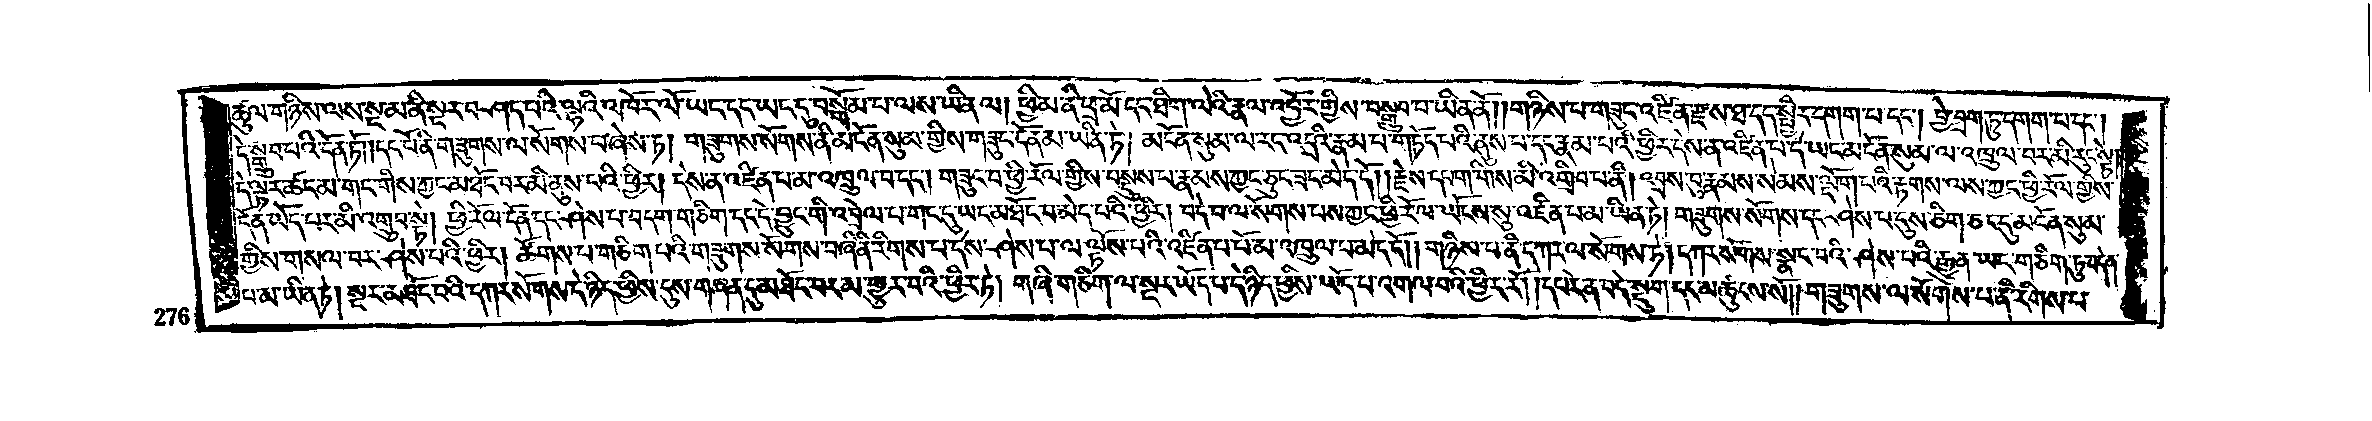ཚུལ་གཉིས་ལས་སྔ་མ་ནི་སྔར་བཤད་པའི་ལྷའི་འཁོར་ལོ་ཡང་དང་ཡང་དུ་བསྒོམ་པ་ལས་ཡིན་ལ། ཕྱི་མ་ནི་ཕྲ་མོ་དང་ཐིག་ལེའི་རྣལ་འབྱོར་གྱིས་བསྒྲུབ་པ་ཡིན་ནོ། །གཉིས་པ་གཟུང་འཛིན་རྫས་ཐ་དད་སྤྱིར་དགག་པ་དང་། བྱེ་བྲག་ཏུ་དགག་པ་དང་།
དེ་སྒྲུབ་པའི་དོན་ཏོ། །དང་པོ་ནི་གཟུགས་ལ་སོགས་པ་ཞེས་ཏོ། གཟུགས་སོགས་ནི་མངོན་སུམ་གྱིས་གཟུང་དོན་མ་ཡིན་ཏེ། མངོན་སུམ་ལ་རང་འདྲའི་རྣམ་པ་གཏོད་པའི་ནུས་པ་དང་རྣམ་པའི་ཕྱིར་དེས་ན་འཛིན་པ་དེ་ཡང་མངོན་སུམ་ལ་འཁྲུལ་བར་མི་རུང་སྟེ།
དེ་ལྟར་ཚང་མ་གང་གིས་ཀྱང་མཐོང་བར་མི་ནུས་པའི་ཕྱིར། དེས་ན་འཛིན་པ་མ་འཁྲུལ་པ་དང་། གཟུང་བ་ཕྱི་རོལ་གྱིས་བསྡུས་པ་རྣམས་ཀྱང་ཅུང་ཟད་མེད་དོ། །རྗེས་དཔག་གིས་མི་འགྲིབ་པ་ནི། འབྲས་བུ་རྣམས་སེམས་ལྡོག་པའི་རྟགས་ལས་ཀྱང་ཕྱི་རོལ་གྱིས་
དོན་ཡོད་པར་མི་འགྲུབ་སྟེ། ཕྱི་རོལ་དོན་དང་ཤེས་པ་བདག་གཅིག་དང་དེ་བྱུང་གི་འབྲེལ་པ་གང་དུ་ཡང་མཐོང་བ་མེད་པའི་ཕྱིར། བདེ་བ་ལ་སོགས་པས་ཀྱང་ཕྱི་རོལ་ཡོངས་སུ་འཛིན་པ་མ་ཡིན་ཏེ། གཟུགས་སོགས་དང་ཤེས་པ་དུས་ཅིག་ཅར་དུ་མངོན་སུམ་
གྱིས་གསལ་བར་ཤེས་པའི་ཕྱིར། །ཚོགས་པ་གཅིག་པའི་གཟུགས་སོགས་བཞི་ནི་རིགས་པ་དེས་ཤེས་པ་ལ་ལྟོས་པའི་འཛིན་པ་པོ་མ་འཁྲུལ་པ་མེད་དོ། །གཉིས་པ་ནི་དཀར་ལ་སོགས་ཏེ། དཀར་སོགས་སྣང་བའི་ཤེས་པའི་རྒྱུན་ཡང་གཅིག་ཏུ་བདེན་
པ་མ་ཡིན་ཏེ། སྔར་མཐོང་བའི་དཀར་སོགས་དེ་ཉིད་ཕྱིས་དུས་གཞན་དུ་མཐོང་བར་མ་གྱུར་པའི་ཕྱིར་ཏེ། གཞི་གཅིག་ལ་སྔར་ཡོད་པ་དེ་ཉིད་ཕྱིས་ཡོད་པ་འགལ་བའི་ཕྱིར་རོ། །དཔེར་ན་བདེ་སྡུག་དང་མཚུངས་སོ། །གཟུགས་ལ་སོགས་པ་ནི་རིགས་པ་